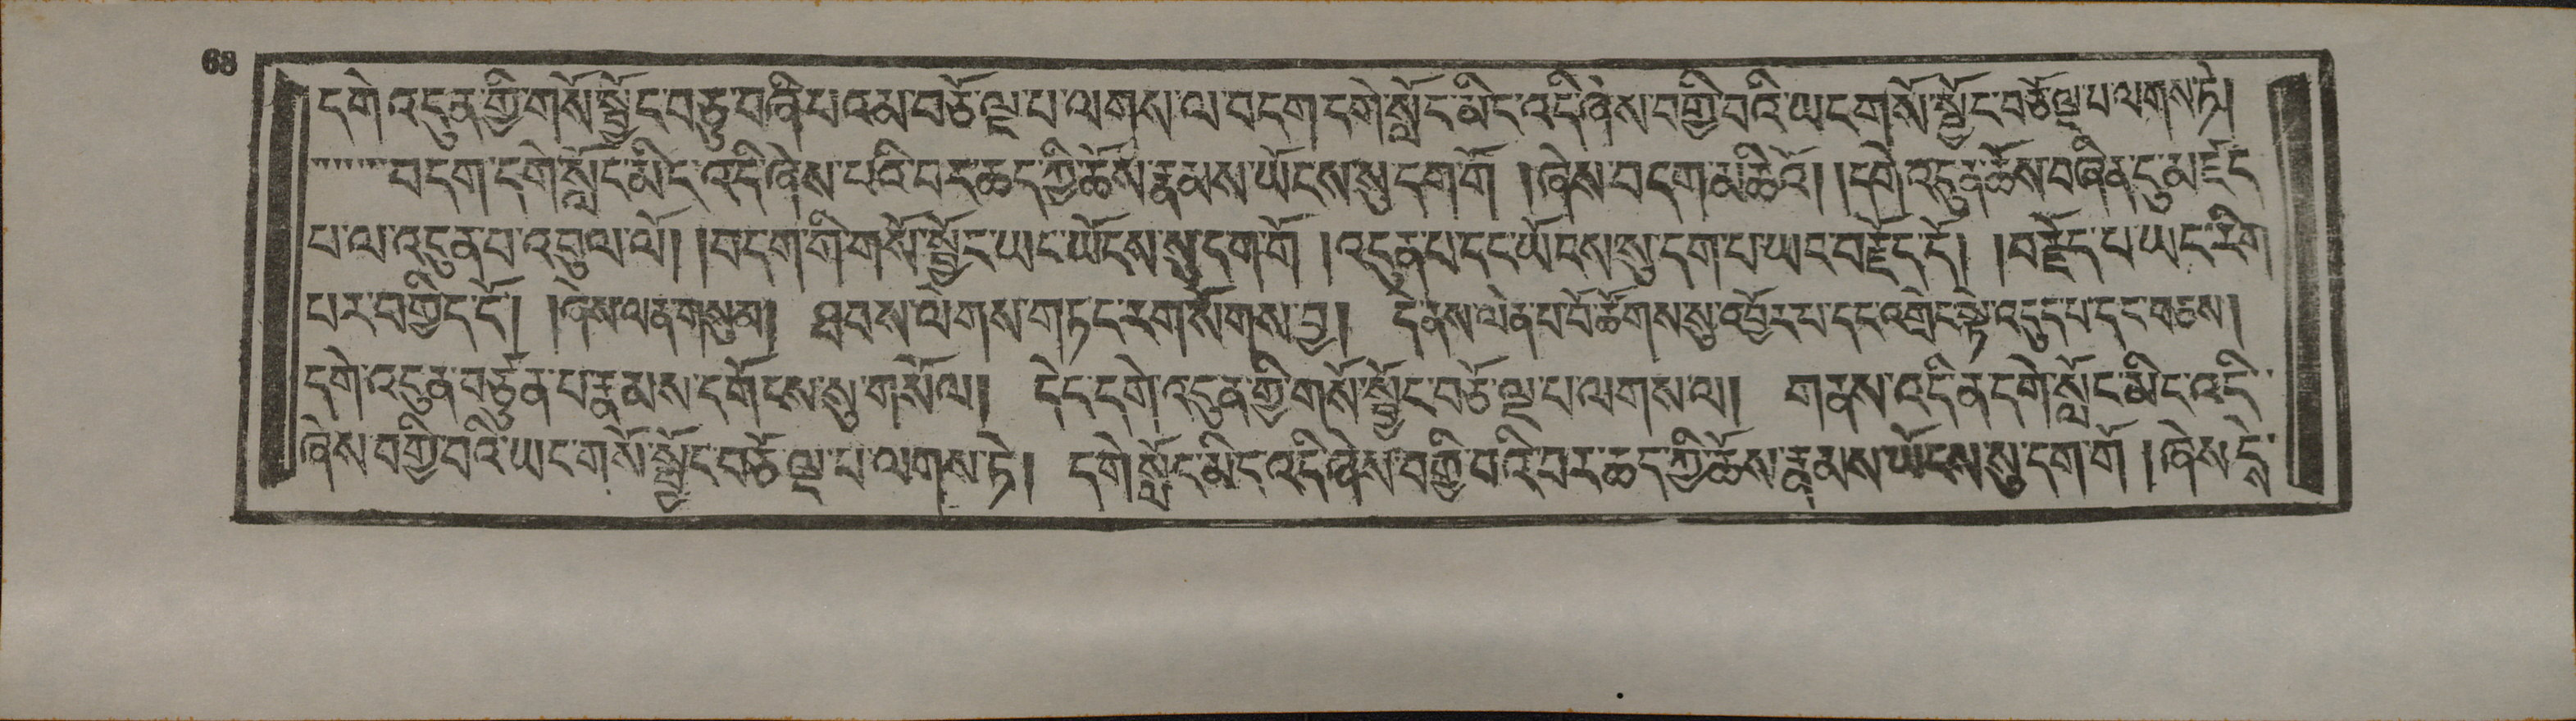དགེ་འདུན་གྱི་གསོ་སྦྱོང་བཅུ་བཞི་པའམ་བཅོ་ལྔ་པ་ལགས་ལ་བདག་དགེ་སློང་མིང་འདི་ཞེས་བགྱི་བའི་ཡང་གསོ་སྦྱོང་བཅོ་ལྔ་པ་ལགས་ཏེ།
བདག་དགེ་སློང་མིང་འདི་ཞེས་པའི་བར་ཆད་ཀྱི་ཆོས་རྣམས་ཡོངས་སུ་དག་གོ །ཞེས་བདག་མཆིའོ། །དགེ་འདུན་ཆོས་བཞིན་དུ་མཛད་
པ་ལ་འདུན་པ་འབུལ་ལོ། །བདག་གི་གསོ་སྦྱོང་ཡང་ཡོངས་སུ་དག་གོ །འདུན་པ་དང་ཡོངས་སུ་དག་པ་ཡང་བརྗོད་དོ། །བརྗོད་པ་ཡང་རིག་
པར་བགྱིད་དོ། ། ཞེས་ལན་གསུམ།  ཐབས་ལེགས་གཏང་རག་སོགས་བྱ། དེ་ནས་ལེན་པ་པོ་ཚོགས་སུ་འབྱོར་པ་དང་འགྲེང་སྟེ་འདུད་པ་དང་བཅས།
དགེ་འདུན་བཙུན་པ་རྣམས་དགོངས་སུ་གསོལ། དེང་དགེ་འདུན་གྱི་གསོ་སྦྱོང་བཅོ་ལྔ་པ་ལགས་ལ། གནས་འདི་ན་དགེ་སློང་མིང་འདི་
ཞེས་བགྱི་བའི་ཡང་གསོ་སྦྱོང་བཅོ་ལྔ་པ་ལགས་ཏེ། དགེ་སློང་མིང་འདི་ཞེས་བགྱི་བའི་བར་ཆད་ཀྱི་ཆོས་རྣམས་ཡོངས་སུ་དག་གོ །ཞེས་དེས་